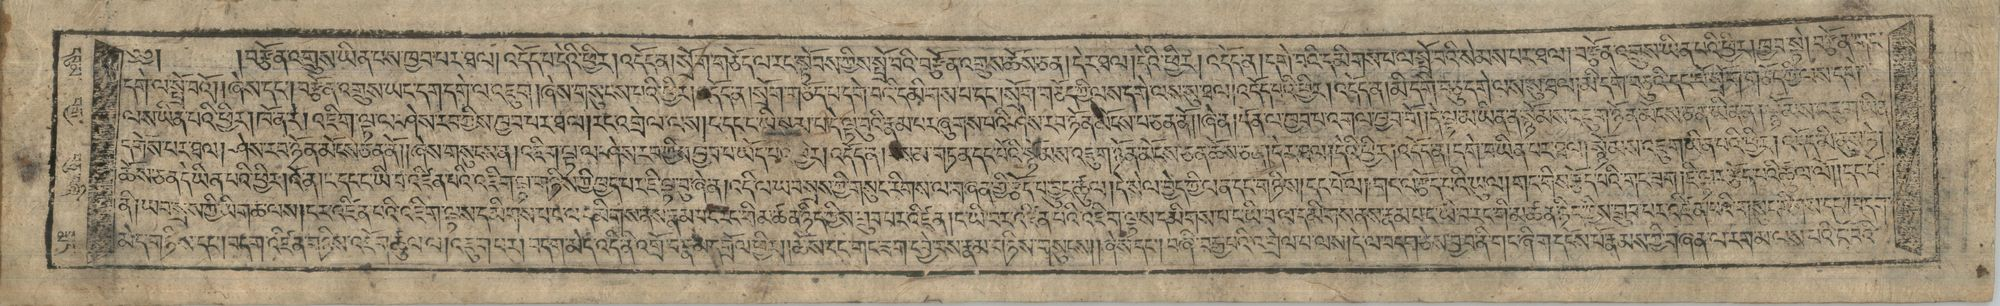༄༅། །བརྩོན་འགྲུས་ཡིན་པས་ཁྱབ་པར་ཐལ། འདོད་པ་དེའི་ཕྱིར། འདོད་ན། སྲོག་གཅོད་ལ་རང་སྟོབས་ཀྱིས་སྤྲོ་བའི་བརྩོན་འགྲུས་ཆོས་ཅན། དེར་ཐལ། དེའི་ཕྱིར། འདོད་ན། དགེ་བའི་དམིགས་པ་ལ་སྤྲོ་བའི་སེམས་པར་ཐལ། བརྩོན་འགྲུས་ཡིན་པའི་ཕྱིར། ཁྱབ་སྟེ། བརྩོན་གང་
དགེ་ལ་སྤྲོ་བའོ། །ཞེས་དང་། བརྩོན་འགྲུས་ཡང་དག་དགེ་ལ་འཇུག །ཞེས་གསུངས་པའི་ཕྱིར། འདོད་ན། སྲོག་གཅོད་པ་དགེ་བའི་དམིགས་པ་དང་། སྲོག་གཅོད་ཀྱི་ལས་དགེ་ལས་སུ་ཐལ། འདོད་པའི་ཕྱིར། འདོད་ན། མི་དགེ་བཅུ་དགེ་ལས་སུ་ཐལ། མི་དགེ་བཅུའི་དང་པོ་སྲོག་གཅོད་ཀྱི་ལས་དགེ་
ལས་ཡིན་པའི་ཕྱིར། ཁོ་ན་རེ། འཇིག་ལྟ་ལ་ཤེས་རབ་ཀྱིས་ཁྱབ་པར་ཐལ། རང་འགྲེལ་ལས། ང་དང་ང་ཡི་སྙམ་པ་དེ་ལྟ་བུའི་རྣམ་པར་ཞུགས་པའི་ཤེས་རབ་ཉོན་མོངས་པ་ཅན་ནོ། །ཞེ་ན། དོན་ལ་ཁྱབ་པ་འགལ་ཁྱབ་བོ། །དེ་ལྟ་མ་ཡིན་ན་སྙོམས་འཇུག་ཉོན་མོངས་ཅན་ཡིན་ན། སྙོམས་འཇུག་ཡིན་
དགོས་པར་ཐལ། ཤེས་རབ་ཉོན་མོངས་ཅན་ནོ། །ཞེས་གསུངས་ན། འཇིག་ལྟ་ལ་ཤེས་རབ་ཀྱིས་ཁྱབ་པ་ཡོད་པའི་ཕྱིར། འདོད་ན། བསམ་གཏན་དང་པོའི་སྙོམས་འཇུག་ཉོན་མོངས་ཅན་ཆོས་ཅན། དེར་ཐལ། དེའི་ཕྱིར། འདོད་ན། དགེ་བ་ཡིན་པར་ཐལ། སྙོམས་འཇུག་ཡིན་པའི་ཕྱིར། འདོད་མི་ནུས་ཏེ།
ཆོས་ཅན་དེ་ཡིན་པའི་ཕྱིར། འོ་ན། ང་དང་ང་ཡི་བ་འཛིན་པའི་འཇིག་ལྟ་གཉིས་ཀྱི་ཁྱད་པར་ཇི་ལྟ་བུ་ཞེ་ན། འདི་ལ་ཡབ་སྲས་ཀྱི་གསུང་རིགས་ལ་གཞན་གྱི་རྩོད་པ་བྱུང་ཚུལ། དེ་སེལ་བྱེད་ཀྱི་ལན་དང་གཉིས། དང་པོ་ལ། གང་ལ་རྩོད་པའི་ཡུལ། གང་གིས་རྩོད་པའི་གང་ཟག །ཇི་ལྟར་རྩོད་པའི་ཚུལ་ལོ། །དང་པོ་
ནི། ཡབ་སྲས་ཀྱི་ཡིག་ཆ་ལས། ངར་འཛིན་པའི་འཇིག་ལྟས་དམིགས་པ་ང་ལ་དམིགས་ནས་རྣམ་པ་ང་རང་གི་མཚན་ཉིད་ཀྱིས་གྲུབ་པར་འཛིན། ང་ཡི་བར་འཛིན་པའི་འཇིག་ལྟས་དམིགས་པ་ང་ཡི་བ་ལ་དམིགས་ནས་རྣམ་པ་ང་ཡི་བ་རང་གི་མཚན་ཉིད་ཀྱིས་གྲུབ་པར་འཛིན་པའི་གསུང་རིགས་དང་། བདག་
མེད་གཉིས་དང་། བདག་འཛིན་གཉིས་འཇོག་ཚུལ་པ། འཇུག་པར། བདག་མེད་འདི་ནི་འགྲོ་བ་རྣམ་དགྲོལ་ཕྱིར། །ཆོས་དང་གང་ཟག་དབྱེ་བས་རྣམ་གཉིས་གསུངས། །ཞེས་དང་། བཞི་བརྒྱ་བའི་འགྲེལ་པ་ལས། དེ་ལ་བདག་ཅེས་བྱ་བ་ནི་གང་ཞིག་དངོས་པོ་རྣམས་ཀྱི་གཞན་ལ་རག་མ་ལས་པའི་ངོ་བོའི་